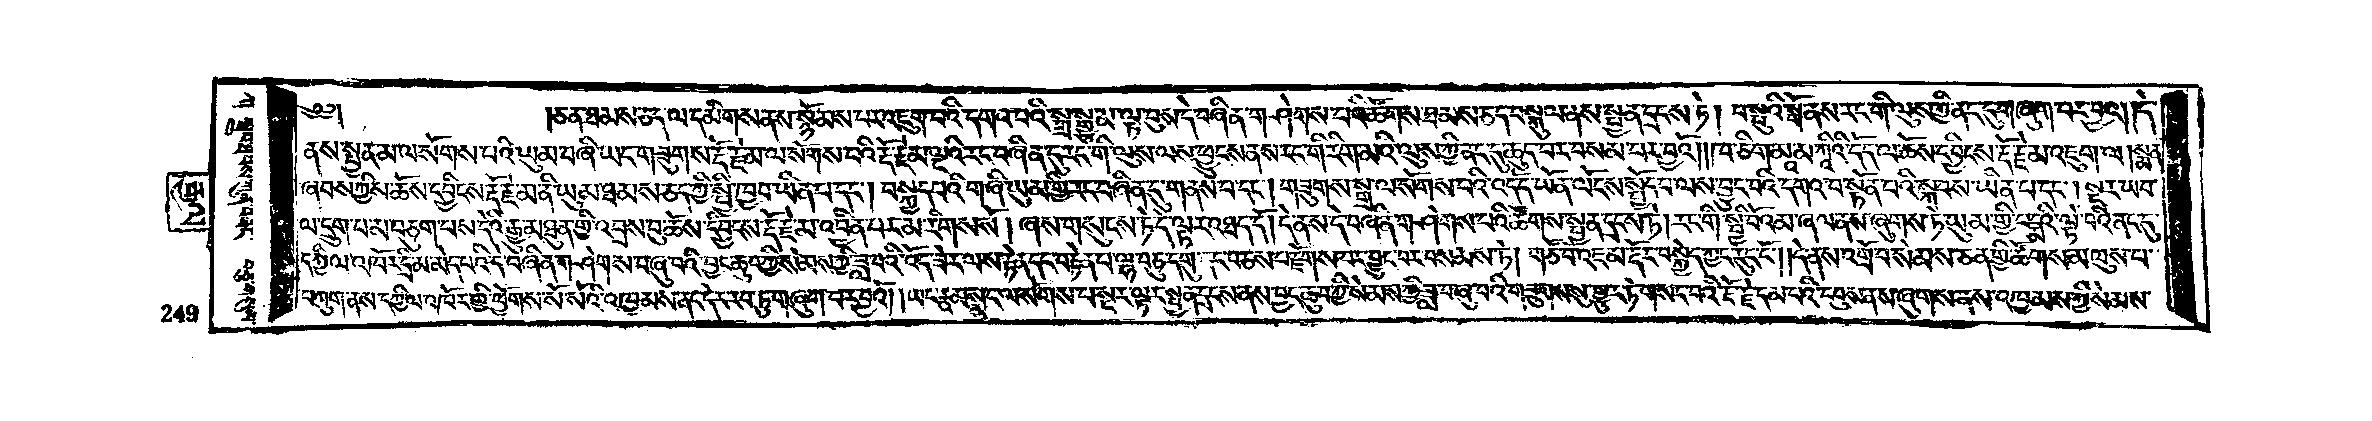༄༅། །ཅན་ཐམས་ཅད་ལ་དམིགས་ནས་སྙོམས་པར་འཇུག་པའི་དགའ་བའི་སྒྲ་སྒྱུ་མ་ལྟ་བུས་དེ་བཞིན་གཤེགས་པའི་ཚོགས་ཐམས་ཅད་བསྐུལ་ནས་སྤྱན་དྲངས་ཏེ། བ་སྤུའི་སྒོ་ནས་རང་གི་ལུས་ཀྱི་ནང་དུ་གཞུག་པར་བྱའོ། །དེ་
ནས་སྤྱན་མ་ལ་སོགས་པའི་ཡུམ་བཞི་ཡང་གཟུགས་རྡོ་རྗེ་མ་ལ་སོགས་པའི་རྡོ་རྗེ་མ་ལྔའི་རང་བཞིན་དུ་རང་གི་ལུས་ལས་ཕྱུངས་ནས་རང་གི་རིག་མའི་ལུས་ཀྱི་ནང་དུ་ཆུད་པར་བསམ་པར་བྱའོ། །ཁ་ཅིག་མཱ་མ་ཀཱིའི་དོད་ལ་ཆོས་དབྱིངས་རྡོ་རྗེ་མ་འཇུག་ལ། སྨན་
ཞབས་ཀྱིས་ཆོས་དབྱིངས་རྡོ་རྗེ་མ་ནི་ཡུམ་ཐམས་ཅད་ཀྱི་སྤྱི་ཁྱབ་ཡིན་པ་དང་། བསྐྱད་པའི་གཞི་ཡུམ་གྱི་རང་བཞིན་དུ་གནས་པ་དང་། གཟུགས་སྒྲ་ལ་སོགས་པའི་འདོད་ཡོན་ལོངས་སྤྱོད་པ་ལས་བྱུང་བའི་དགའ་བ་སྟོན་པའི་སྐབས་ཡིན་པ་དང་། སྔར་ཡབ་
ལ་དྲུག་པ་མ་བཅུག་པས་དེའི་རྒྱུ་མཐུན་གྱི་འབྲས་བུ་ཆོས་དབྱིངས་རྡོ་རྗེ་མ་འབྱིན་པར་མ་རིགས་སོ། །ཞས་གསུངས་ཏེ་དེ་ལྟར་འཐད་དོ། །དེ་ནས་དེ་བཞིན་གཤེགས་པའི་ཚོགས་སྤྱན་དྲངས་ཏེ། རང་གི་སྤྱི་བོའམ་ཞལ་ནས་ཞུགས་ཏེ་ཡུམ་གྱི་པདམའི་ལྟེ་བའི་ནང་དུ་
དཀྱིལ་འཁོར་དྲི་མ་མེད་པའི་དེ་བཞིན་གཤེགས་པ་ཞུ་བའི་བྱང་ཆུབ་ཀྱི་སེམས་ཀྱི་ཟླ་བའི་འོད་ཟེར་ལས་རྟེན་དང་བརྟེན་པ་ལྷ་བཅུ་དགུ་དང་བཅས་པ་རྫོགས་པར་བྱུང་བར་བསམས་ཏེ། གཙོ་བོ་འཇམ་རྡོར་བསྐྱེད་ཀྱང་རུང་ངོ། །དེ་ནས་འགྲོ་བ་སེམས་ཅན་གྱི་ཚོགས་མ་ལུས་པ་
བཀུག་ནས་དཀྱིལ་འཁོར་གྱི་ཕྱོགས་སོ་སོའི་འཁྱམས་ནང་དེར་རབ་ཏུ་གཞུག་པར་བྱའོ། །ཡང་རྣམ་སྣང་ལ་སོགས་པ་སྔར་ལྟར་སྤྱན་དྲངས་ནས་བྱང་ཆུབ་ཀྱི་སེམས་ཀྱི་ཟླ་བ་ཞུ་བའི་གཟུགས་སུ་གྱུར་ཏེ་གསང་བའི་རྡོ་རྗེ་དམ་པའི་དབུས་ནས་ཞུགས་ནས་འཁྱམས་ཀྱི་སེམས་